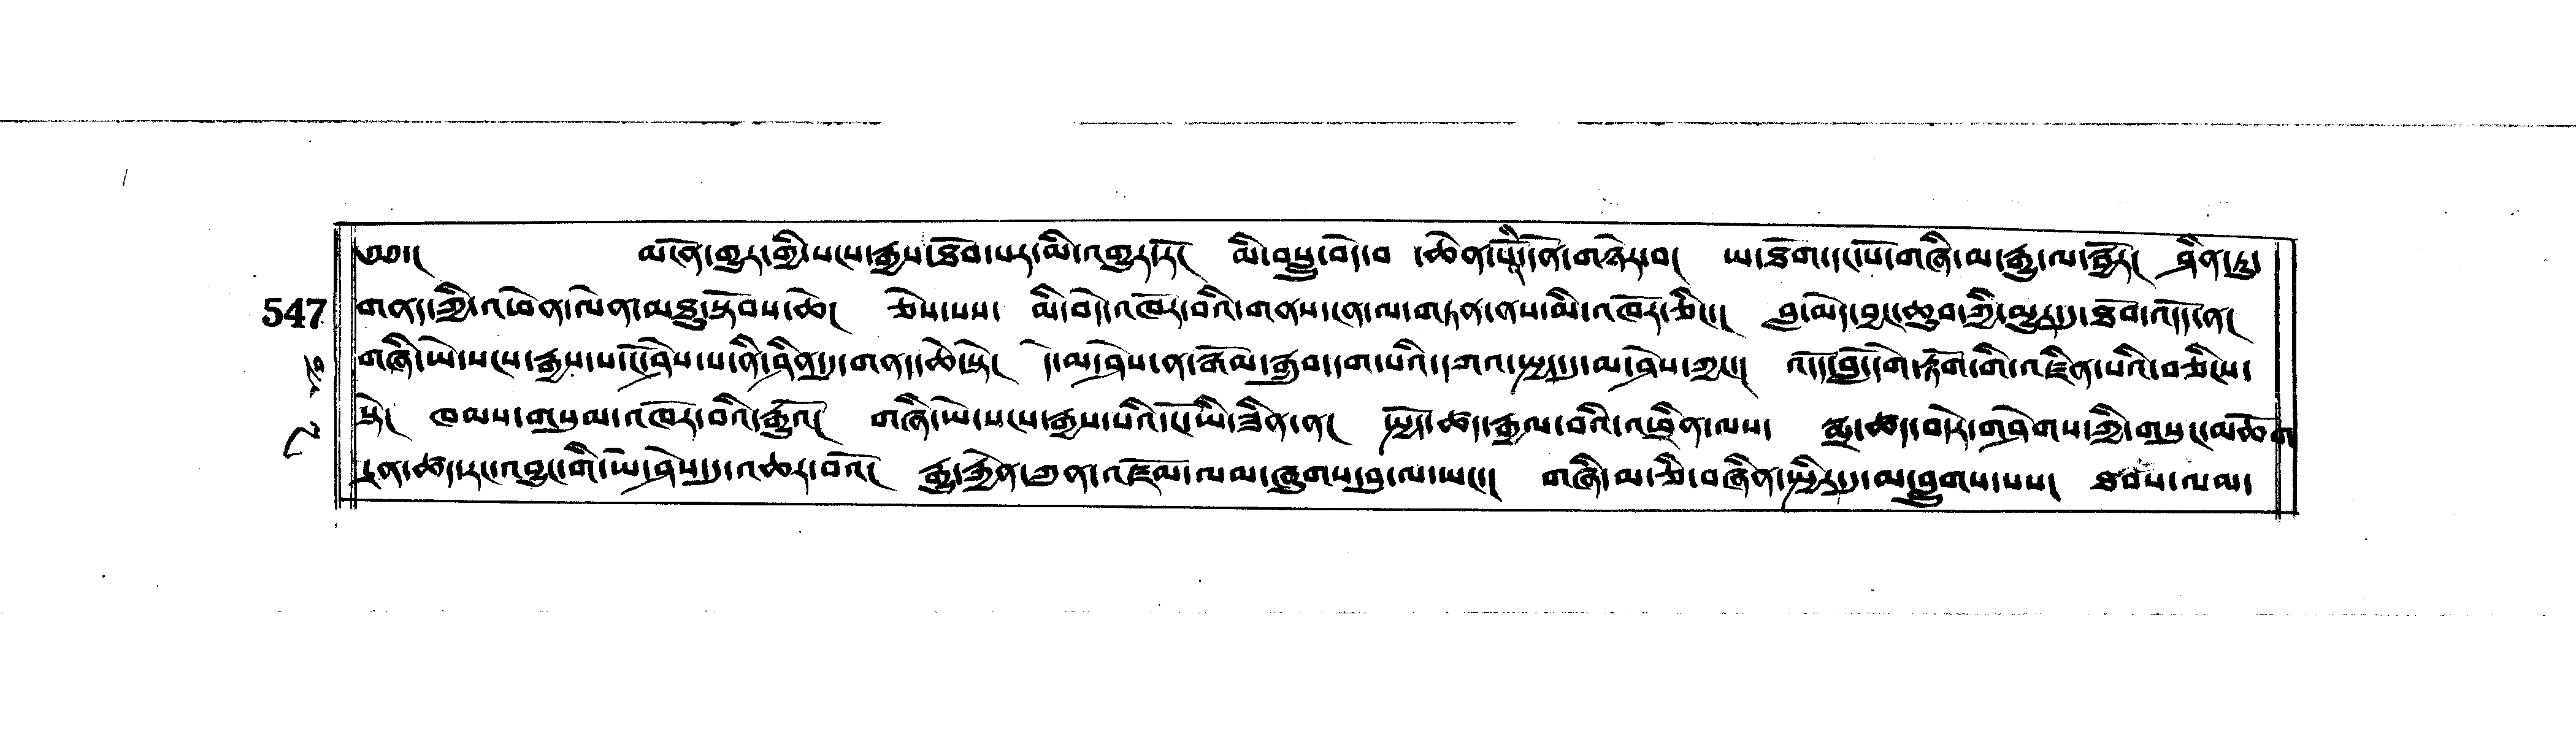མངོན་གྱུར་གྱི་སངས་རྒྱས་ཐོབ་པར་མི་འགྱུར་རོ། མི་བསླུ་བདེ་བ། ཆེན་པོ་དོན་གཉེར་བས། ཡ་ཐོག་དང་པོ་གཞི་མ་རྒྱུ་ལ་སྦྱོར། ཤིན་ཏུ་
གནད་ཀྱི་འཕེན་ལེན་མཐུ་སྟོབས་ཆེ། ཅེས་པས། མི་བདེ་འཁོར་བའི་གནས་ངན་ལ་གཏན་ནས་མི་འཁོར་ཅིང་། བླ་མེད་བྱང་ཆུབ་ཀྱི་མྱུར་དུ་འཐོབ་འདོད་ན། 
གཞི་ཡེ་སངས་རྒྱས་པ་ངོ་ཤེས་པ་ནི་ཤིན་ཏུ་གནད་ཆེ་སྟེ། དེ་མ་ཤེས་ན་སྒོམ་སྒྲུབ་དག་པའི་དཀའ་སྤྱད་དུ་མ་ཤེས་ཀྱང་། འདོད་བློ་དགེ་རྟོག་གི་འཛིན་པས་བཅིངས་
སྟེ། ཁམས་གསུམ་འཁོར་བའི་རྒྱུའོ། གཞི་ཡེ་སངས་རྒྱས་པའི་ངོ་ཡི་ཟིན་ན། སྤྱོད་ཚད་རྒྱལ་བའི་འཕྲིན་ལས། སྨྲ་ཚད་བདེར་གཤེགས་ཀྱི་གསུང་མཆོག 
དྲན་ཚད་རང་འབྱུང་གི་ཡེ་ཤེས་སུ་འཆར་བའོ། རྒྱུ་རྐྱེན་ཀུན་འཛོམས་ལམ་ཞུགས་བུ་ལ་ཡང་། གཞི་མ་ཅི་བཞིན་ཅིར་དུ་མ་བླུགས་པས། ཐབས་ལམ་